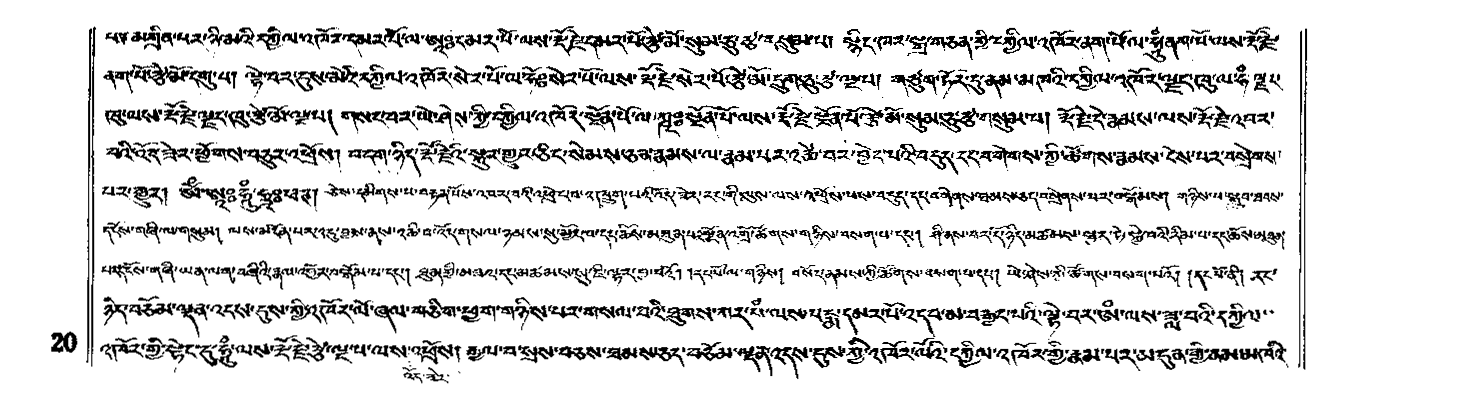པ༑ མགྲིན་པར་ཉི་མའི་དཀྱིལ་འཁོར་དམར་པོ་ལ་ཨཱཿ དམར་པོ་ལས་རྡོ་རྗེ་དམར་པོ་རྩེ་མོ་སུམ་ཅུ་རྩ་གསུམ་པ། སྙིང་ཁར་སྒྲ་གཅན་གྱི་དཀྱིལ་འཁོར་ནག་པོ་ལ་ཧཱུཾ་ནག་པོ་ལས་རྡོ་རྗེ་
ནག་པོ་རྩེ་མོ་དགུ་པ། ལྟེ་བར་དུས་མེའི་དཀྱིལ་འཁོར་སེར་པོ་ལ་ཧོཿ སེར་པོ་ལས་རྡོ་རྗེ་སེར་པོ་རྩེ་མོ་དྲུག་ཅུ་རྩ་ལྔ་པ། གཙུག་ཏོར་དུ་ནམ་མཁའི་དཀྱིལ་འཁོར་ལྗང་ཁུ་ལ་ཧཾ་ལྗང་
ཁུ་ལས་རྡོ་རྗེ་ལྗང་ཁུ་རྩེ་མོ་ལྔ་པ། གསང་བར་ཡེ་ཤེས་ཀྱི་དཀྱིལ་འཁོར་སྔོན་པོ་ལ་ཀྵཿ སྔོན་པོ་ལས་རྡོ་རྗེ་སྔོན་པོ་རྩེ་མོ་སུམ་ཅུ་རྩ་གསུམ་པ། རྡོ་རྗེ་དེ་རྣམས་ལས་རྡོ་རྗེ་འབར་
བའི་འོད་ཟེར་ཕྱོགས་བཅུར་འཕྲོས། བདག་ཉིད་རྡོ་རྗེའི་སྐུར་གྱུར་ཅིང་སེམས་ཅན་རྣམས་ལ་རྣམ་པར་འཚེ་བར་བྱེད་པའི་བདུད་རང་བགེགས་ཀྱི་ཚོགས་རྣམས་ངེས་པར་བསྲེགས་
པར་གྱུར། ཨོཾ་ཨཱཿ ཧཱུཾ་ཧྲཱཿ ཕཊ། ཅེས་དམིགས་པ་བརྟན་པོས་འབར་བའི་འཕྲེང་བ་འཁྲུག་པའི་འོད་ཟེར་རང་གི་ལུས་ལས་འཕྲོས་པས་བདུད་དང་བགེགས་ཐམས་ཅད་བསྲེགས་པར་བསྒོམས། གཉིས་པ་སྒྲུབ་ཐབས་
དངོས་གཞི་ལ་གསུམ། ལས་མངོན་པར་འདུ་བྱས་ནས་འཆི་བ་འོད་གསལ་ཉམས་སུ་མྱོང་བ་དང་ཆོས་མཐུན་པ་སྔོན་འགྲོ་ཚོགས་གཉིས་བསག་པ་དང་། ཤི་ནས་བར་དོ་ཉིད་མཚམས་སྦྱར་ཏེ་སྐྱེ་བའི་རིམ་པ་དང་ཆོས་མཐུན་
པར་དངོས་གཞི་ཡན་ལག་བཞིའི་རྣལ་འབྱོར་བསྒོམ་པ་དང་། ཐུན་གྱི་མཐའ་དང་མཚམས་སུ་ཇི་ལྟར་བྱ་བའོ། །དང་པོ་ལ་གཉིས། བསོད་ནམས་ཀྱི་ཚོགས་བསག་པ་དང་། ཡེ་ཤེས་ཀྱི་ཚོགས་བསག་པའོ། །དང་པོ་ནི། རང་
ཉིད་བཅོམ་ལྡན་འདས་དུས་ཀྱི་འཁོར་ལོ་ཞལ་གཅིག་ཕྱག་གཉིས་པར་གསལ་བའི་ཐུགས་ཀར་པཾ་ལས་པདམ་དམར་པོ་འདབ་མ་བརྒྱད་པའི་ལྟེ་བར་ཨཾ་ལས་ཟླ་བའི་དཀྱིལ་
འཁོར་གྱི་སྟེང་དུ་ཧཱུཾ་ལས་རྡོ་རྗེ་རྩེ་ལྔ་པ་ལས་འོད་ཟེར་འཕྲོས། རྒྱལ་བ་སྲས་བཅས་ཐམས་ཅད་བཅོམ་ལྡན་འདས་དུས་ཀྱི་འཁོར་ལོའི་དཀྱིལ་འཁོར་གྱི་རྣམ་པར་མདུན་གྱི་ནམ་མཁའི་